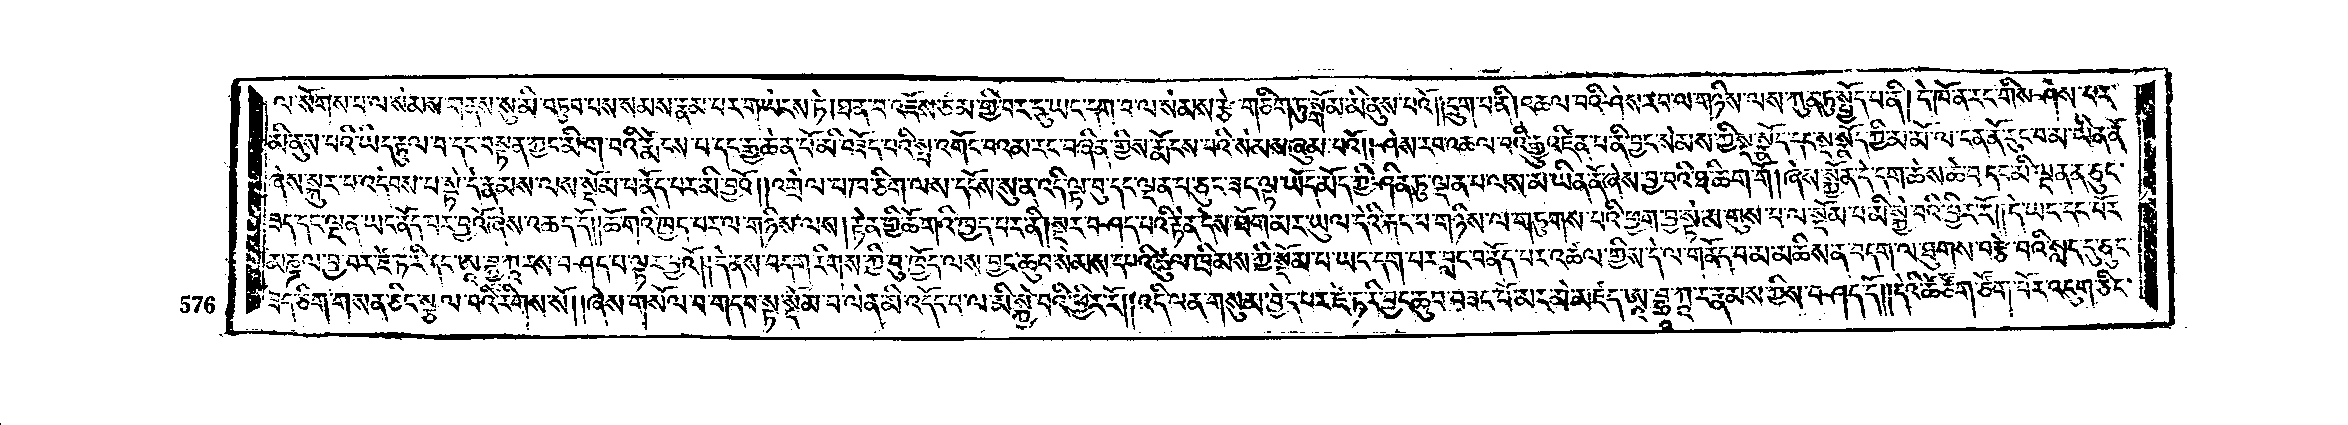ལ་སོགས་པ་ལ་སེམས་གནས་སུ་མི་བཏུབ་པས་སམས་རྣམ་པར་གཡེངས་ཏེ། ཐ་ན་བ་འཇོས་ཙམ་གྱི་བར་དུ་ཡང་དག་བ་ལ་སེམས་རྩེ་གཅིག་ཏུ་སྒོམ་མི་ནུས་པའོ། །དྲུག་པ་ནི། འཆལ་བའི་ཤེས་རབ་ལ་གཉིས་ལས་ཀུན་ཏུ་སྤྱོད་པ་ནི། དེ་ཁོ་ན་རང་གིས་ཤེས་པར་
མི་ནུས་པའི་ཡིད་རྟུལ་བ་དང་བསྟན་ཀྱང་མི་ག་བའི་རྨོངས་པ་དང་རྒྱ་ཆེན་པོ་མི་བཟོད་པའི་སྤ་འགོང་བའམ་རང་བཞིན་གྱིས་རྨོངས་པའི་སེམས་ཞུམ་པའོ། །ཤེས་རབ་འཆལ་བའི་རྒྱུ་འཛིན་པ་ནི་བྱང་སེམས་ཀྱི་སྡ་སྣོད་དང་སྔ་སྣོད་ཀྱི་མ་མོ་ལ་ངན་ནོ་རུང་བ་མ་ཡིན་ནོ་
ཞེས་སྐུར་པ་འདེབས་པ་སྟེ་དེ་རྣམས་ལས་སྡོམ་པ་ནོད་པར་མི་བྱའོ། །འགྲེལ་པ་ཁ་ཅིག་ལས་དངོས་སུ་ན་འདི་ལྟ་བུ་དང་ལྡན་པ་ཅུང་ཟད་ལྟ་ཡོད་མོད་ཀྱི་ཤིན་ཏུ་ལྡན་པ་ལས་མ་ཡིན་ནོ་ཞེས་བྱ་བའི་ཐ་ཚིག་གོ ། །ཞེས་སྐྱོན་དེ་དག་ཆེས་ཆེ་བ་དང་མི་ལྡན་ན་ཅུང་
ཟད་དང་ལྡན་ཡང་ནོད་པར་བྱའོ་ཞེས་འཆད་དོ། །ཆོ་གའི་ཁྱད་པར་ལ་གཉིས་ལས། རྟེན་གྱི་ཆོ་གའི་ཁྱད་པར་ནི། སྔར་བཤད་པའི་རྟེན་དེས་ཐོག་མར་ཡུལ་དེའི་རྐང་པ་གཉིས་ལ་གཏུགས་པའི་ཕྱག་བྱ་སྟེ་མ་གུས་པ་ལ་སྡོམ་པ་མི་སྐྱེ་བའི་ཕྱིར་རོ། །དེ་ཡང་དང་པོར་
མཎྜལ་བྱ་བར་ཛེ་ཏ་རི་དང་ཨཱ་བྷྱ་ཀཱ་རས་བཤད་པ་ལྟར་བྱའོ། །དེ་ནས་བདག་རིགས་ཀྱི་བུ་ཁྱོད་ལས་བྱང་ཆུབ་སེམས་དཔའི་ཚུལ་ཁྲིམས་ཀྱི་སྡོམ་པ་ཡང་དག་པར་བླང་བ་ནོད་པར་འཚལ་གྱིས་དེ་ལ་གནོད་པ་མ་མཆིས་ན་བདག་ལ་ཐུགས་བརྩེ་བའི་སླད་དུ་ཅུང་
ཟད་ཅིག་གསན་ཅིང་སྩལ་བའི་རིགས་སོ། །ཞེས་གསོལ་བ་གདབ་སྟ་སྡོམ་པ་ལེན་མི་འདོད་པ་ལ་མི་སྐྱེ་བའི་ཕྱིར་རོ། །འདི་ལན་གསུམ་བྱེད་པར་ཛེ་ཏ་རི་བྱང་ཆུབ་བཟང་པོ་མར་མེ་མཛད་ཨཱ་བྷྲཱ་ཀཱ་ར་རྣམས་ཀྱིས་བཤད་དོ། །དེའི་ཚེ་ཙོག་ཙོག་པོར་འདུག་ཅིང་